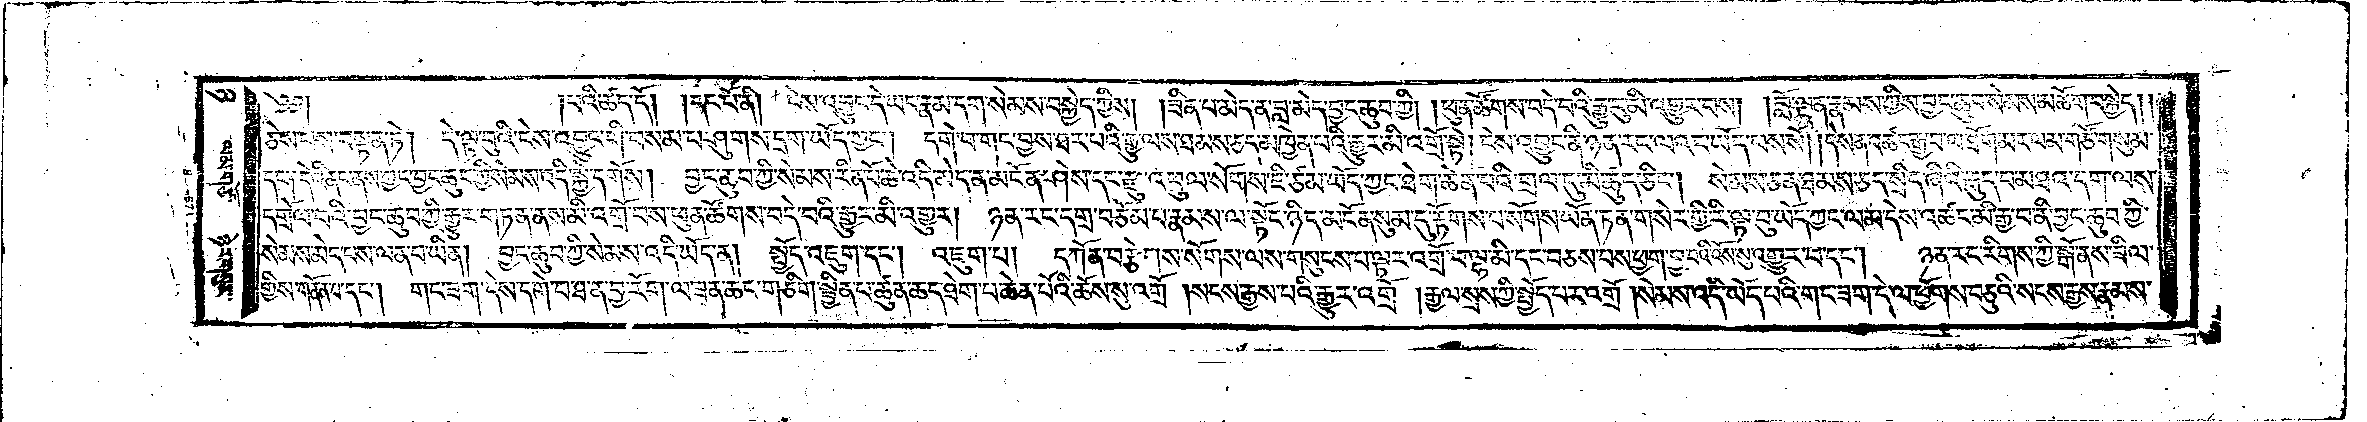༄༅། །པའི་ཚད་དོ། །དང་པོ་ནི། ངེས་འབྱུང་དེ་ཡང་རྣམ་དག་སེམས་བསྐྱེད་ཀྱིས། །ཟིན་པ་མེད་ན་བླ་མེད་བྱང་ཆུབ་ཀྱི། །ཕུན་ཚོགས་བདེ་བའི་རྒྱུ་རུ་མི་འགྱུར་བས། །བློ་ལྡན་རྣམས་ཀྱིས་བྱང་ཆུབ་སེམས་མཆོག་བསྐྱེད། །
ཅེས་པས་བསྟན་ཏེ། དེ་ལྟ་བུའི་ངེས་འབྱུང་གི་བསམ་པ་ཤུགས་དྲག་ཡོད་ཀྱང་། དགེ་བ་གང་བྱས་ཐར་པའི་རྒྱུ་ལས་ཐམས་ཅད་མཁྱེན་པའི་རྒྱུར་མི་འགྲོ་སྟེ། ངེས་འབྱུང་ནི་ཉན་རང་ལའང་ཡོད་པས་སོ། །དེས་ན་འཚང་རྒྱ་བ་ལ་ཐོག་མར་ལམ་གཙོ་གསུམ་
དང༑ དེའི་ནང་ནས་ཀྱང་བྱང་ཆུབ་ཀྱི་སེམས་འདི་སྐྱེ་དགོས། བྱང་ཆུབ་ཀྱི་སེམས་རིན་པོ་ཆེ་འདི་མེད་ན་མངོན་ཤེས་དང་རྫུ་འཕྲུལ་སོགས་ཇི་ཙམ་ཡོད་ཀྱང་ཐེག་ཆེན་པའི་གྲལ་དུ་མི་ཚུད་ཅིང་། སེམས་ཅན་ཐམས་ཅད་སྲིད་ཞིའི་རྒུད་པ་མཐའ་དག་ལས་
དགྲོལ་བའི་བྱང་ཆུབ་ཀྱི་རྒྱུར་གཏན་ནས་མི་འགྲོ་བས་ཕུན་ཚོགས་བདེ་བའི་རྒྱུར་མི་འགྱུར། ཉན་རང་དགྲ་བཅོམ་པ་རྣམས་ལ་སྟོང་ཉིད་མངོན་སུམ་དུ་རྟོགས་པ་སོགས་ཡོན་ཏན་གསེར་གྱི་རི་ལྟ་བུ་ཡོད་ཀྱང་ལམ་དེས་འཚང་མི་རྒྱ་བ་ནི་བྱང་ཆུབ་ཀྱི་
སེམས་མེད་པས་ལན་པ་ཡིན། བྱང་ཆུབ་ཀྱི་སེམས་འདི་ཡོད་ན། སྤྱོད་འཇུག་དང་། འཇུག་པ། དཀོན་བརྩེགས་སོགས་ལས་གསུངས་པ་ལྟར་འགྲོ་བ་ལྷ་མི་དང་བཅས་པས་ཕྱག་བྱ་བའི་འོས་སུ་འགྱུར་བ་དང་། ཉན་རང་རིགས་ཀྱི་སྒོ་ནས་ཟིལ་
གྱིས་གནོན་པ་དང་། གང་ཟག་དེས་དགེ་བ་ཐ་ན་བྱ་རོག་ལ་ཟན་ཆང་གཅིག་སྦྱིན་པ་ཚུན་ཆད་ཐེག་པ་ཆེན་པོའི་ཆོས་སུ་འགྲོ་།སངས་རྒྱས་བའི་རྒྱུར་འགྲོ་།རྒྱལ་སྲས་ཀྱི་སྤྱོད་པར་འགྲོ་།སེམས་འདི་ཡོད་པའི་གང་ཟག་དེ་ལ་ཕྱོགས་བཅུའི་སངས་རྒྱས་རྣམས་